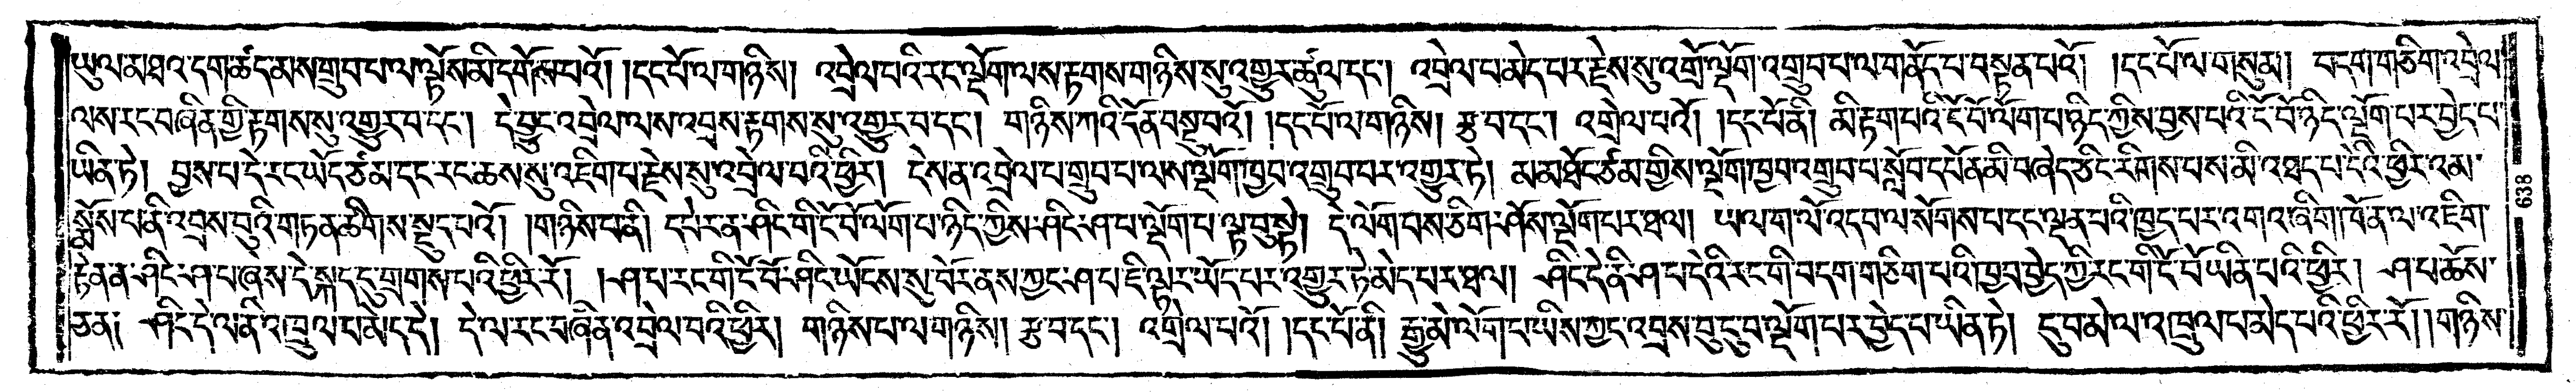ཡུལ་མཐའ་དག་ཚད་མས་གྲུབ་པ་ལ་ལྟོས་མི་དགོས་པའོ། །དང་པོ་ལ་གཉིས། འབྲེལ་པའི་རང་ལྡོག་ལས་རྟགས་གཉིས་སུ་འགྱུར་ཚུལ་དང་། འབྲེལ་པ་མེད་པར་རྗེས་སུ་འགྲོ་ལྡོག་འགྲུབ་པ་ལ་གནོད་པ་བསྟན་པའོ། །དང་པོ་ལ་གསུམ། བདག་གཅིག་འབྲེལ་
ལས་རང་བཞིན་གྱི་རྟགས་སུ་འགྱུར་བ་དང་། དེ་བྱུང་འབྲེལ་ལས་འབྲས་རྟགས་སུ་འགྱུར་བ་དང་། གཉིས་ཀའི་དོན་བསྡུ་བའོ། །དང་པོ་ལ་གཉིས། རྩ་བ་དང་། འགྲེལ་པའོ། །དང་པོ་ནི། མི་རྟག་པའི་ངོ་བོ་ལོག་པ་ཉིད་ཀྱིས་བྱས་པའི་ངོ་བོ་ཉིད་ལྡོག་པར་བྱེད་པ་
ཡིན་ཏེ། བྱས་པ་དེ་རང་ཡོད་ཙམ་དང་རང་ཆས་སུ་འཇིག་པ་རྗེས་སུ་འབྲེལ་པའི་ཕྱིར། དེས་ན་འབྲེལ་པ་གྲུབ་པ་ལས་ལྡོག་ཁྱབ་འགྲུབ་པར་འགྱུར་ཏེ། མ་མཐོང་ཙམ་གྱིས་ལྡོག་ཁྱབ་འགྲུབ་པ་སློབ་དཔོན་མི་བཞེད་ཅིང་རིགས་པས་མི་འཐད་པ་དེའི་ཕྱིར་འམ་
སྨོས་པ་ནི་འབྲས་བུའི་གཏན་ཚིགས་སྡུད་པའོ། །གཉིས་པ་ནི། དཔེར་ན་ཤིང་གི་ངོ་བོ་ལོག་པ་ཉིད་ཀྱིས་ཤིང་ཤ་པ་ལྡོག་པ་ལྟ་བུ་སྟེ། དེ་ལོག་པས་ཅིག་ཤོས་ལྡོག་པར་ཐལ། ཡལ་ག་ལོ་འདབ་ལ་སོགས་པ་དང་ལྡན་པའི་ཁྱད་པར་འགའ་ཞིག་ཁོ་ན་ལ་འཇིག་
རྟེན་ན་ཤིང་ཤ་པ་ཞེས་དེ་སྐད་དུ་གྲགས་པའི་ཕྱིར་རོ། །ཤ་པ་རང་གི་ངོ་བོ་ཤིང་ཡོངས་སུ་བོར་ནས་ཀྱང་ཤ་པ་ཇི་ལྟར་ཡོད་པར་འགྱུར་ཏེ་མེད་པར་ཐལ། ཤིང་དེ་ནི་ཤ་པ་དེའི་རང་གི་བདག་གཅིག་པའི་ཁྱབ་བྱེད་ཀྱི་རང་གི་ངོ་བོ་ཡིན་པའི་ཕྱིར། ཤ་པ་ཆོས་
ཅན། ཤིང་དེ་ལ་ནི་འཁྲུལ་པ་མེད་དེ། དེ་ལ་རང་བཞིན་འབྲེལ་བའི་ཕྱིར། གཉིས་པ་ལ་གཉིས། རྩ་བ་དང་། འགྲེལ་པའོ། །དང་པོ་ནི། རྒྱུ་མེ་ལོག་པ་ཡིས་ཀྱང་འབྲས་བུ་དུ་བ་ལྡོག་པར་བྱེད་པ་ཡིན་ཏེ། དུ་བ་མེ་ལ་འཁྲུལ་པ་མེད་པའི་ཕྱིར་རོ། །གཉིས་